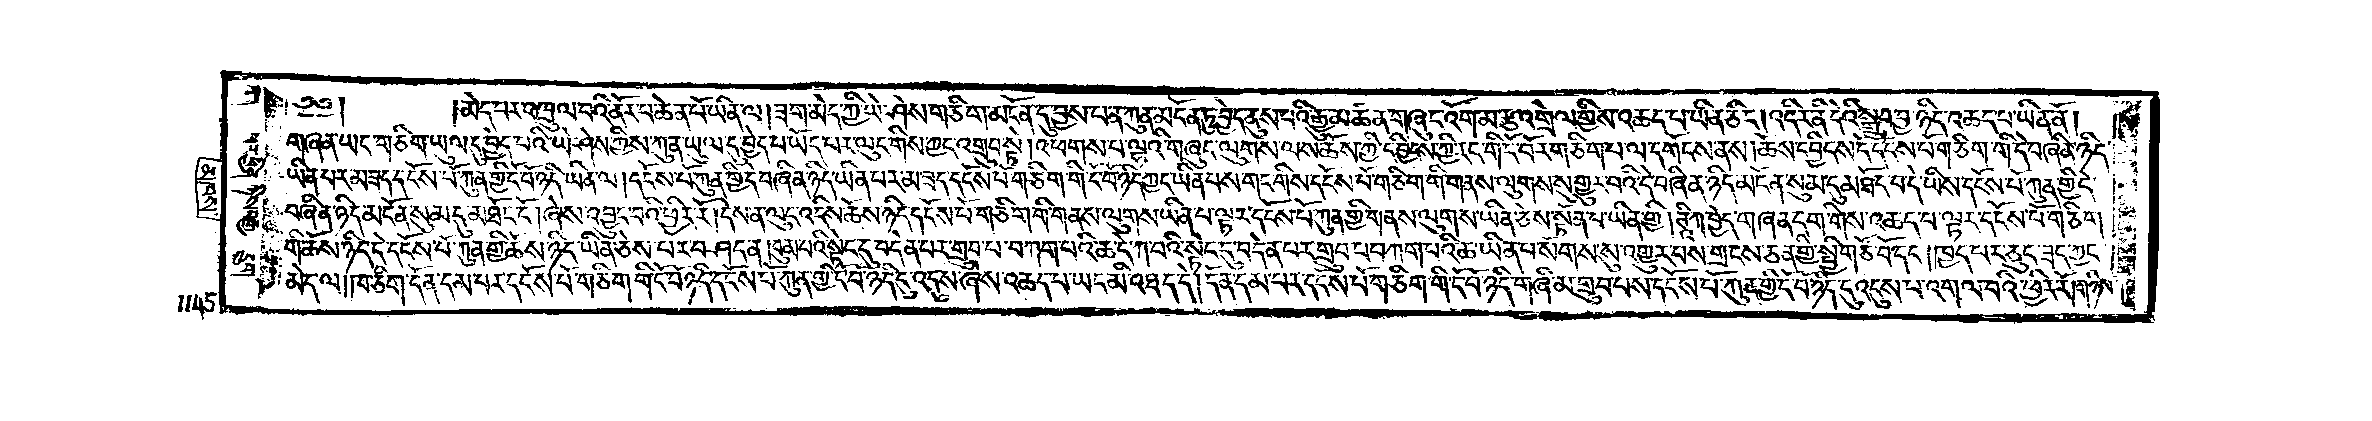༄༅། །མེད་པར་འཁྲུལ་བའི་ནོར་བ་ཆེན་པོ་ཡིན་ལ། ཟག་མེད་ཀྱི་ཡེ་ཤེས་གཅིག་མངོན་དུ་བྱས་པ་ན་ཀུན་མངོན་ཏུ་བྱེད་ནུས་པའི་རྒྱུ་མཚན་གཞུང་འོག་མ་རྩ་འགྲེལ་གྱིས་འཆད་པ་ཡིན་ཅིང་། འདིར་ནི་དེའི་སྒྲུབ་བྱ་ཉིད་འཆད་པ་ཡིན་ནོ།
གཞན་ཡང་གཅིག་ཡུལ་དུ་བྱེད་པའི་ཡེ་ཤེས་ཀྱིས་ཀུན་ཡུལ་དུ་བྱེད་པ་ཡོད་པར་ལུང་གིས་ཀྱང་འགྲུབ་སྟེ། འཕགས་པ་ལྷའི་གཞུང་ལུགས་ལས་ཆོས་ཀྱི་དབྱིངས་ཀྱི་རང་གི་ངོ་བོར་གཅིག་པ་ལ་དགོངས་ནས། ཆོས་དབྱིངས་དེ་དངོས་པོ་གཅིག་གི་དེ་བཞིན་ཉིད་
ཡིན་པར་མ་ཟད་དངོས་པོ་ཀུན་གྱི་ངོ་བོ་ཉིད་ཡིན་ལ། དངོས་པོ་ཀུན་གྱི་དེ་བཞིན་ཉིད་ཡིན་པར་མ་ཟད་དངོས་པོ་གཅིག་གི་ངོ་བོ་ཉིད་ཀྱང་ཡིན་པས་གང་གིས་དངོས་པོ་གཅིག་གི་གནས་ལུགས་སུ་གྱུར་བའི་དེ་བཞིན་ཉིད་མངོན་སུམ་དུ་མཐོང་བ་དེ་ཡིས་དངོས་པོ་ཀུན་གྱི་དེ་
བཞིན་ཉིད་མངོན་སུམ་དུ་མཐོང་ངོ། ཞེས་འབྱུང་བའི་ཕྱིར་རོ། དེས་ན་ལུང་འདིས་ཆོས་ཉིད་དངོས་པོ་གཅིག་གི་གནས་ལུགས་ཡིན་པ་ལྟར་དངོས་པོ་ཀུན་གྱི་གནས་ལུགས་ཡིན་ཅེས་སྟོན་པ་ཡིན་གྱི། ཊཱིཀ་བྱེད་གཞན་དག་གིས་འཆད་པ་ལྟར་དངོས་པོ་གཅིག་
གི་ཆོས་ཉིད་དེ་དངོས་པོ་ཀུན་གྱི་ཆོས་ཉིད་ཡིན་ཅེས་པར་བཤད་ན། བུམ་པའི་སྟེང་དུ་བདེན་པར་གྲུབ་པ་བཀག་པའི་ཆ་དེ་ཀ་བའི་སྟེང་དུ་བདེན་པར་གྲུབ་པ་བཀག་པའི་ཆ་ཡིན་པ་སོགས་སུ་འགྱུར་བས་གྲངས་ཅན་གྱི་སྤྱི་གཙོ་བོ་དང་། ཁྱད་པར་ཅུང་ཟད་ཀྱང་
མེད་ལ། ཁ་ཅིག་དོན་དམ་པར་དངོས་པོ་གཅིག་གི་ངོ་བོ་ཉིད་དངོས་པོ་ཀུན་གྱི་ངོ་བོ་ཉིད་དུ་འདུས་ཞེས་འཆད་པ་ཡང་མི་འཐད་དེ། དོན་དམ་པར་དངོས་པོ་གཅིག་གི་ངོ་བོ་ཉིད་གཞི་མ་གྲུབ་པས་དངོས་པོ་ཀུན་གྱི་ངོ་བོ་ཉིད་དུ་འདུས་པ་འགལ་བའི་ཕྱིར་རོ། གཉིས་